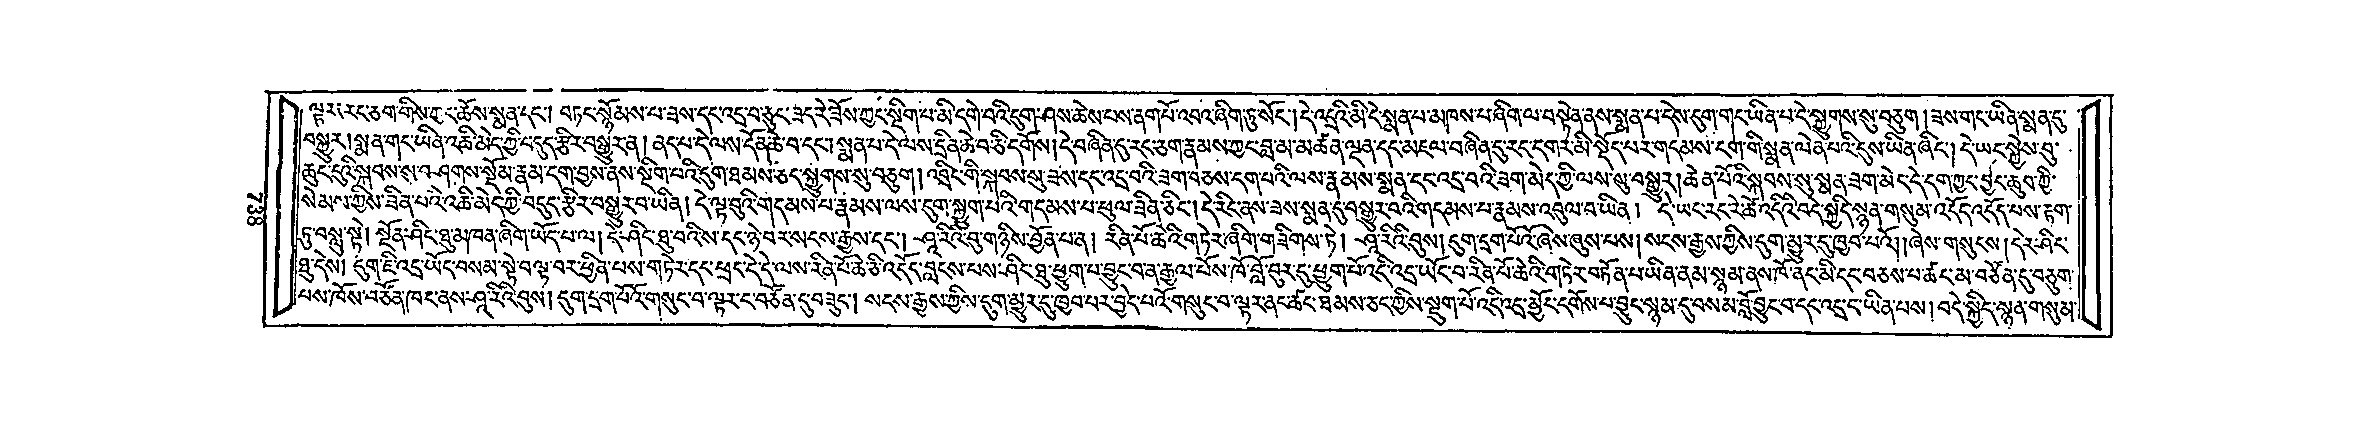ལྟར། རང་ཅག་གིས་ཀྱང་ཆོས་སྨན་དང་། བཏང་སྙོམས་པ་ཟས་དང་འདྲ་བ་ཅུང་ཟད་རེ་ཟོས་ཀྱང་སྡིག་པ་མི་དགེ་བའི་དུག་ཤས་ཆེས་པས་ནག་པོ་འབའ་ཞིག་ཏུ་སོང་། དེ་འདྲའི་མི་དེ་སམ་ན་པ་མཁས་པ་ཞིག་ལ་བསྟེན་ནས་སྨན་པ་དེས་དུག་གང་ཡིན་པ་དེ་སྐྱུགས་སུ་བཅུག །ཟས་གང་ཡིན་སྨན་དུ་
བསྐྱུར། སྨན་གང་ཡིན་འཆི་མེད་ཀྱི་བདུད་རྩིར་བསྒྱུར་ན། ནད་པ་དེ་ལས་དོན་ཆེ་བ་དང་། སྨན་པ་དེ་ལས་དྲིན་ཆེ་བ་ཅི་དགོས། དེ་བཞིན་དུ་རང་ཅག་རྣམས་ཀྱང་བླ་མ་མཚན་ལྡན་དང་མཇལ་བཞིན་དུ་རང་དགར་མི་སྡོད་པར་གདམས་ངག་གི་སྨན་ལེན་པའི་དུས་ཡིན་ཞིང་། དེ་ཡང་སྐྱེས་བུ་
ཆུང་ངུའི་སྐབས་སུ་བཤགས་སྡོམ་རྣམ་དག་བྱས་ནས་སྡིག་པའི་དུག་ཐམས་ཅད་སྐྱུགས་སུ་བཅུག །འབྲིང་གི་སྐབས་སུ་ཟས་དང་འདྲ་བའི་ཟག་བཅས་དག་པའི་ལས་རྣམས་སྨན་དང་འདྲ་བའི་ཟག་མེད་ཀྱི་ལས་སུ་བསྒྱུར། ཆེན་པོའི་སྐབས་སུ་སྨན་ཟག་མེད་དེ་དག་ཀྱང་བྱང་ཆུབ་ཀྱི་
སེམས་ཀྱིས་ཟིན་པའི་འཆི་མེད་ཀྱི་བདུད་རྩིར་བསྒྱུར་བ་ཡིན། དེ་ལྟ་བུའི་གདམས་པ་རྣམས་ལས་དུག་སྐྱུག་པའི་གདམས་པ་ཕུལ་ཟིན་ཅིང་། དེ་རིང་ནས་ཟས་སྨན་དུ་བསྒྱུར་བའི་གདམས་པ་རྣམས་འབུལ་བ་ཡིན། དེ་ཡང་རང་རེ་ཚེ་འདིའི་བདེ་སྐྱིད་སྙན་གསུམ་འདོད་འདོད་པས་རྟག་
ཏུ་བསླུ་སྟེ། སྔོན་ཤིང་ཐུ་མཁན་ཞིག་ཡོད་པ་ལ། དེ་ཤིང་ཐུ་བའི་ས་དང་ཉེ་བར་སངས་རྒྱས་དང་། ཤཱ་རིའི་བུ་གཉིས་བྱོན་པ་ན། རིན་པོ་ཆེའི་གཏེར་ཞིག་གཟིགས་ཏེ། ཤཱ་རིའི་བུས། དུག་དྲག་པོའི་ཞེས་ཞུས་པས། སངས་རྒྱས་ཀྱིས་དུག་མྱུར་དུ་ཁྱབ་པའོ། །ཞེས་གསུངས། དེར་ཤིང་
ཐུ་དེས། དུག་ཇི་འདྲ་ཡོད་བསམ་སྟེ་བལྟ་བར་ཕྱིན་པས་གཏེར་དང་ཕྲད་དེ་དེ་ལས་རིན་པོ་ཆེ་ཅི་འདོད་བླངས་པས་ཤིང་ཐུ་ཕྱུག་པ་བྱུང་བ་ན་རྒྱལ་པོས་ཁོ་བློ་བུར་དུ་ཕྱུག་པོ་འདི་འདྲ་ཡོང་བ་རིན་པོ་ཆེའི་གཏེར་གཏེར་བཏོན་པ་ཡིན་ནམ་སྙམ་ནས་ཁོ་ནང་ཨི་དང་བཅས་པ་ཚང་མ་བཙོན་དུ་བཅུག་
པས་ཁོས་བཙོན་ཁང་ནས་ཤཱ་རིའི་བུས། དུག་དྲག་པོའོ་གསུང་བ་ལྟར་ང་བཙོན་དུ་བཟུང་། སངས་རྒྱས་ཀྱིས་དུག་མྱུར་དུ་ཁྱབ་པར་བྱེད་པའོ་གསུང་བ་ལྟར་ནང་ཚང་ཐམས་ཅད་ཀྱིས་སྡུག་པོ་འདི་འདྲ་མྱོང་དགོས་པ་བྱུང་སྙམ་དུ་བསམ་བློ་བྱུང་བ་དང་འདྲ་ང་ཡིན་པས། བདེ་སྐྱིད་སྙན་གསུམ་